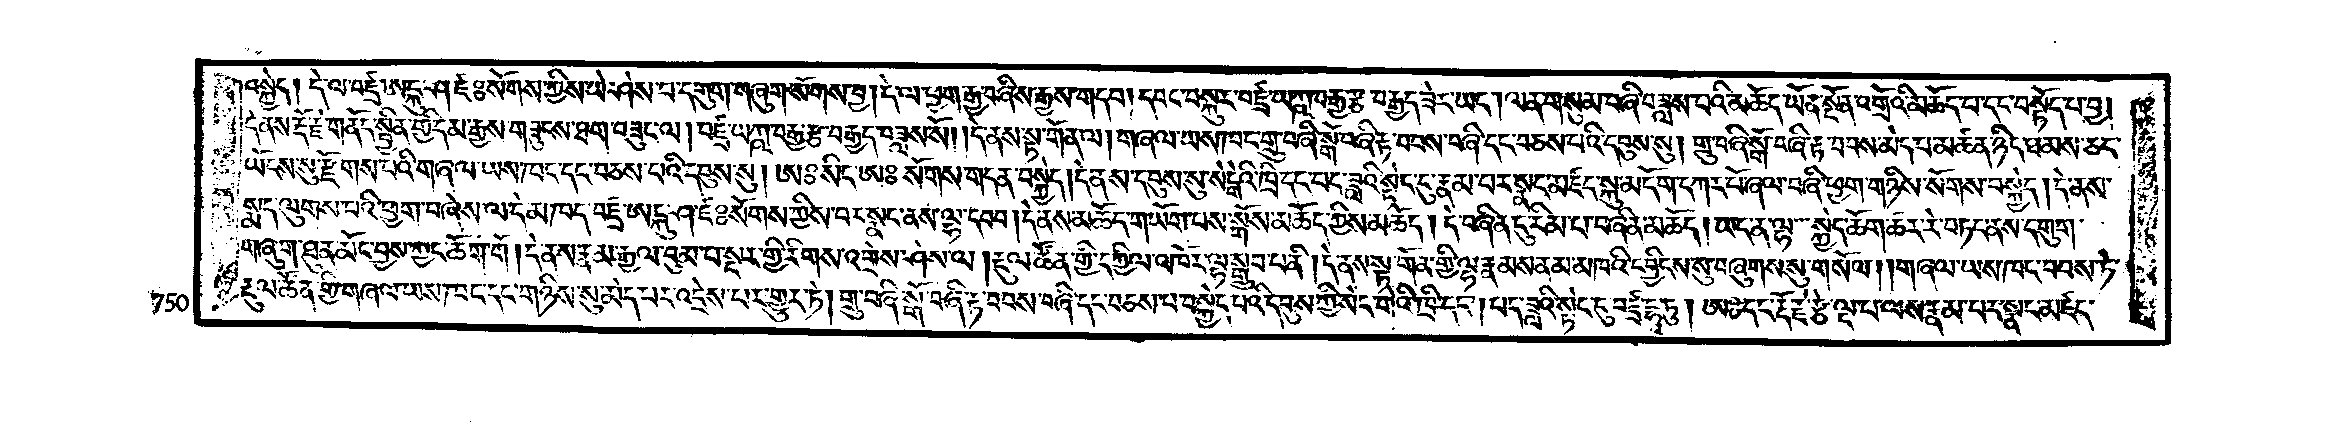བསྐྱེད། དེ་ལ་བཛྲ་ཨདཀུ་ཤ་ཛཿ སོགས་ཀྱིས་ཡེ་ཤེས་པ་དགུག་གཞུག་སོགས་བྱ། དེ་ལ་ཕྱག་རྒྱ་བཞིས་རྒྱས་གདབ། དབང་བསྐུར་བཛྲ་ཡཀྵ་བརྒྱ་རྩ་བརྒྱད་ཟེར་ཡང་། ལན་གསུམ་བཞི་བཟླས་པའི་མཆོད་ཡོན་སྔོན་འགྲོའི་མཆོད་པ་དང་བསྟོད་པ་བྱ།
དེ་ནས་རྡོ་རྗེ་གནོད་སྦྱིན་གྱི་དམ་རྒྱས་གཟུངས་ཐག་བཟུང་ལ། བཛྲ་ཡཀྵ་བརྒྱ་རྩ་བརྒྱད་བཟླས་སོ། །དེ་ནས་སྟ་གོན་ལ། གཞལ་ཡས་ཁང་གྲུ་བཞི་སྒོ་བཞི་རྟ་བབས་བཞི་དང་བཅས་པའི་དབུས་སུ། གྲུ་བཞི་སྒོ་བཞི་རྟ་བབས་མེད་པ་མཚན་ཉིད་ཐམས་ཅད་
ཡོངས་སུ་རྫོགས་པའི་གཞལ་ཡས་ཁང་དང་བཅས་པའི་དབུས་སུ། ཨཿ སིང་ཨཿ སོགས་གདན་བསྐྱེད། དེ་ནས་དབུས་སུ་སེངྒེའི་ཁྲི་དང་པད་ཟླའི་སྟེང་དུ་རྣམ་པར་སྣང་མཛད་སྐུ་མདོག་དཀར་པོ་ཞལ་བཞི་ཕྱག་གཉིས་སོགས་བསྐྱེད། དེ་ནས་
སྨད་ལུགས་པའི་ཕྱག་བཞེས་ལ་དེ་མ་ཁད་བཛྲ་ཨངྐུ་ཤ་ཛཿ སོགས་ཀྱིས་བར་སྣང་ནས་ལྷ་དབབ། དེ་ནས་མཆོད་གཡོག་པས་སྒོས་མཆོད་ཀྱིས་མཆོད། དེ་བཞིན་དུ་རིམ་པ་བཞིན་མཆོད། ཡང་ན་ལྷ་སྐྱེད་ཆོག་ཚར་རེ་བཏང་ནས་དགུག་
གཞུག་ཐུན་མོང་བྱས་ཀྱང་ཆོག་གོ །དེ་ནས་རྣམ་རྒྱལ་བུམ་པ་སྔར་གྱི་རིགས་འགྲེས་ཤེས་ལ། རྡུལ་ཚོན་གྱི་དཀྱིལ་འཁོར་ལྷ་སྒྲུབ་པ་ནི། དེ་ནས་སྟ་གོམ་གྱི་ལྷ་རྣམས་ནམ་མཁའི་དབྱིངས་སུ་བཞུགས་སུ་གསོལ། །གཞལ་ཡས་ཁང་བབས་ཏེ་
རྡུལ་ཚོན་གྱི་གཞལ་ཡས་ཁང་དང་གཉིས་སུ་མེད་པར་འདྲེས་པར་གྱུར་ཏེ། གྲུ་བཞི་སྒོ་བཞི་རྟ་བབས་བཞི་དང་བཅས་པ་བསྐྱེད་པའི་དབུས་ཀྱི་སེང་གེའི་ཁྲི་དང་། པད་ཟླའི་སྟེང་དུ་བཛྲ་དྷཱ་ཏུ། ཨཿ དང་རྡོ་རྗེ་རྩེ་ལྔ་པ་ལས་རྣམ་པར་སྣང་མཛད་